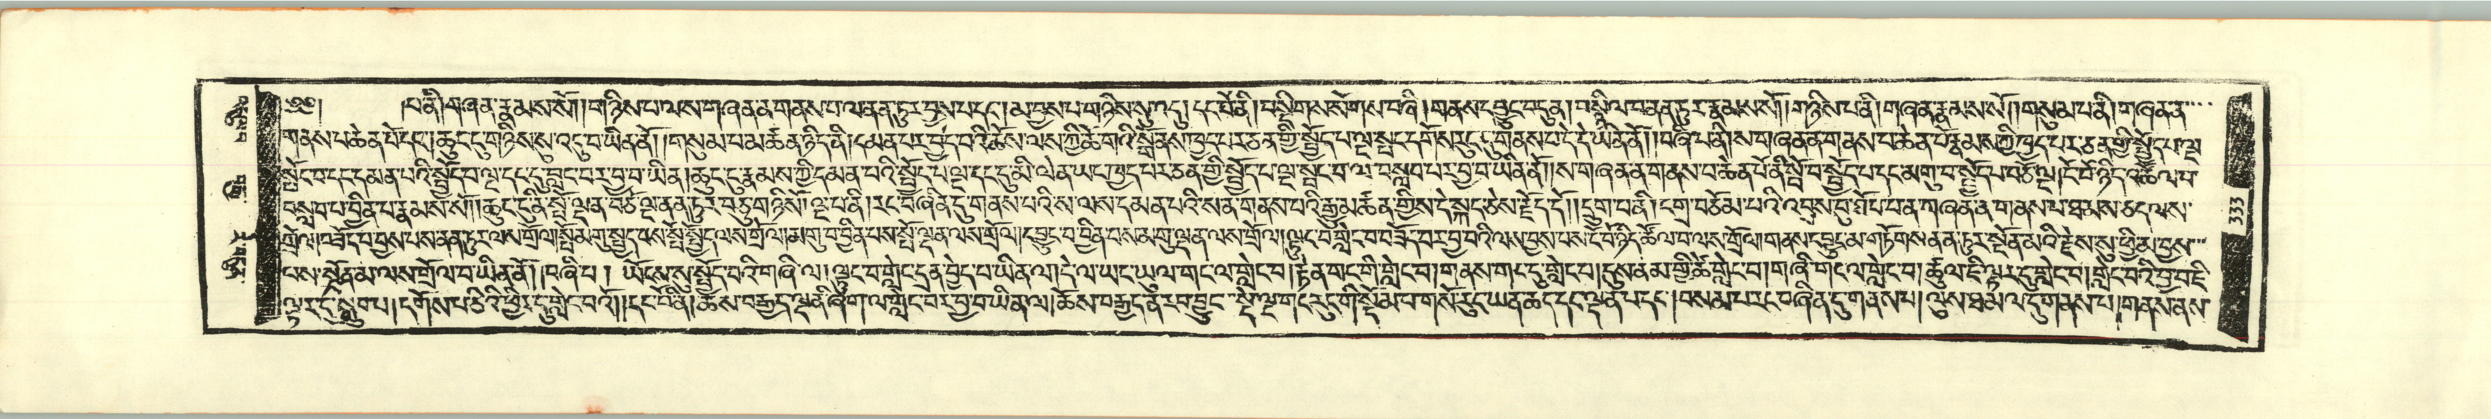༄༅། །པ་ནི། གཞན་རྣམས་སོ། །གཉིས་པ་ལས་གཞན་ན་གནས་པ་ལ་ནན་ཏུར་བྱས་པ་དང་། མ་བྱས་པ་གཉིས་སུ་འདུ། དང་པོ་ནི། བསྡིགས་སོགས་བཞི། གནས་དབྱུང་བདུན། བསྙིལ་བ་ནན་ཏུར་རྣམས་སོ། །གཉིས་པ་ནི། གཞན་རྣམས་སོ། གསུམ་པ་ནི། གཞན་ན་
གནས་པ་ཆེན་པོ་དང་། ཆུང་དུ་གཉིས་སུ་འདུ་བ་ཡིན་ནོ། །གསུམ་པ་མཚན་ཉིད་ནི། དམན་པར་བྱེད་པའི་ཆོས་ལས་ཀྱི་ཆོ་གའི་སྒོ་ནས་ཁྱད་པར་ཅན་གྱི་སྤྱོད་པ་ལྔ་སྤང་དགོས་རུང་དུ་གནས་པ་དེ་དེ་ཡིན་ནོ། །བཞི་པ་ནི། ས་གཞན་ན་གནས་པ་ཆེན་པོ་རྣམས་ཀྱི་ཁྱད་པར་ཅན་གྱི་སྤྱོད་པ་ལྔ་
སྤོང་བ་དང་དམན་པའི་སྤྱོད་པ་ལྔ་དང་དུ་བླང་བར་བྱ་བ་ཡིན། ཆུང་དུ་རྣམས་ཀྱི་དམན་པའི་སྤྱོད་པ་ལྔ་དང་དུ་མི་ལེན་ཡང་ཁྱད་པར་ཅན་གྱི་སྤྱོད་པ་ལྔ་སྤང་བ་ལ་བསླབ་པར་བྱ་བ་ཡིན་ནོ། །ས་གཞན་ན་གནས་པ་ཆེན་པོ་ནི་སྤོ་བ་སྤྱོད་པ་དང་མགུ་བ་སྤྱོད་པ་བཅོ་ལྔ། ངོ་བོ་ཉིད་འཚོལ་བ་
བསླབ་པ་བྱིན་པ་རྣམས་སོ། །ཆུང་ངུ་ནི་སྤོ་ལྡན་བཅོ་ལྔ་ནན་ཏུར་བཅུ་གཉིས་སོ། །ལྔ་པ་ནི། རང་བཞིན་དུ་གནས་པའི་ས་ལས་དམན་པའི་ས་ན་གནས་པའི་རྒྱུ་མཚན་གྱིས་དེ་སྐད་ཅེས་རྗོད་དོ། །དྲུག་པ་ནི། དགྲ་བཅོམ་པའི་འབྲས་བུ་ཐོབ་པ་ན་གཞན་ན་གནས་པ་ཐམས་ཅད་ལས་
གྲོལ། བཟོད་པ་བྱས་པས་ནན་ཏུར་ལས་གྲོལ། སྤོ་མགུ་སྤྱད་པས་སྤོ་སྤྱོད་ལས་གྲོལ། མགུ་བ་བྱིན་པས་སྤོ་ལྡན་ལས་གྲོལ། དབྱུང་བ་བྱིན་བས་མགུ་ལྡན་ལས་གྲོལ། ལྟུང་བ་གླེང་བ་བཟོད་པར་བྱ་བའི་ལས་བྱས་པས་ངོ་བོ་ཉིད་ཚོལ་བ་ལས་གྲོལ། གནས་དབྱུང་མ་གཏོགས་ནན་ཏུར་སྔོན་མའི་རྗེས་སུ་ཕྱི་མ་བྱས་
པས་སྔོན་མ་ལས་གྲོལ་བ་ཡིན་ནོ། །བཞི་པ། ཡོངས་སུ་སྤྱོད་བའི་གཞི་ལ། ལྟུང་བ་གླེང་དྲན་བྱེད་པ་ཡིན་ལ། དེ་ལ་ཡང་ཡུལ་གང་ལ་གླེང་བ། རྟེན་གང་གི་གླེང་བ། གནས་གང་དུ་གླེང་པ། དུས་ནམ་གྱི་ཚེ་གླེང་བ། གཞི་གང་ལ་གླེང་བ། ཚུལ་ཇི་ལྟར་དུ་གླེང་བ། གླེང་བའི་བྱ་བ་ཇི་
ལྟར་དུ་སྒྲུབ་པ། དགོས་པ་ཅིའི་ཕྱིར་དུ་གླེང་བའོ། །དང་པོ་ནི། ཆོས་བརྒྱད་ལྡན་ཞིག་ལ་གླེང་བར་བྱ་བ་ཡིན་ལ། ཆོས་བརྒྱད་ན་རབ་བྱུང་སྡེ་ལྔ་གང་རུང་གི་སྡོམ་པ་གསོ་རུང་ཡན་ཆད་དང་ལྡན་པ་དང་། བསམ་པ་རང་བཞིན་དུ་གནས་པ། ལུས་ཐམ་ལ་དུ་གནས་པ། གནས་ནས་